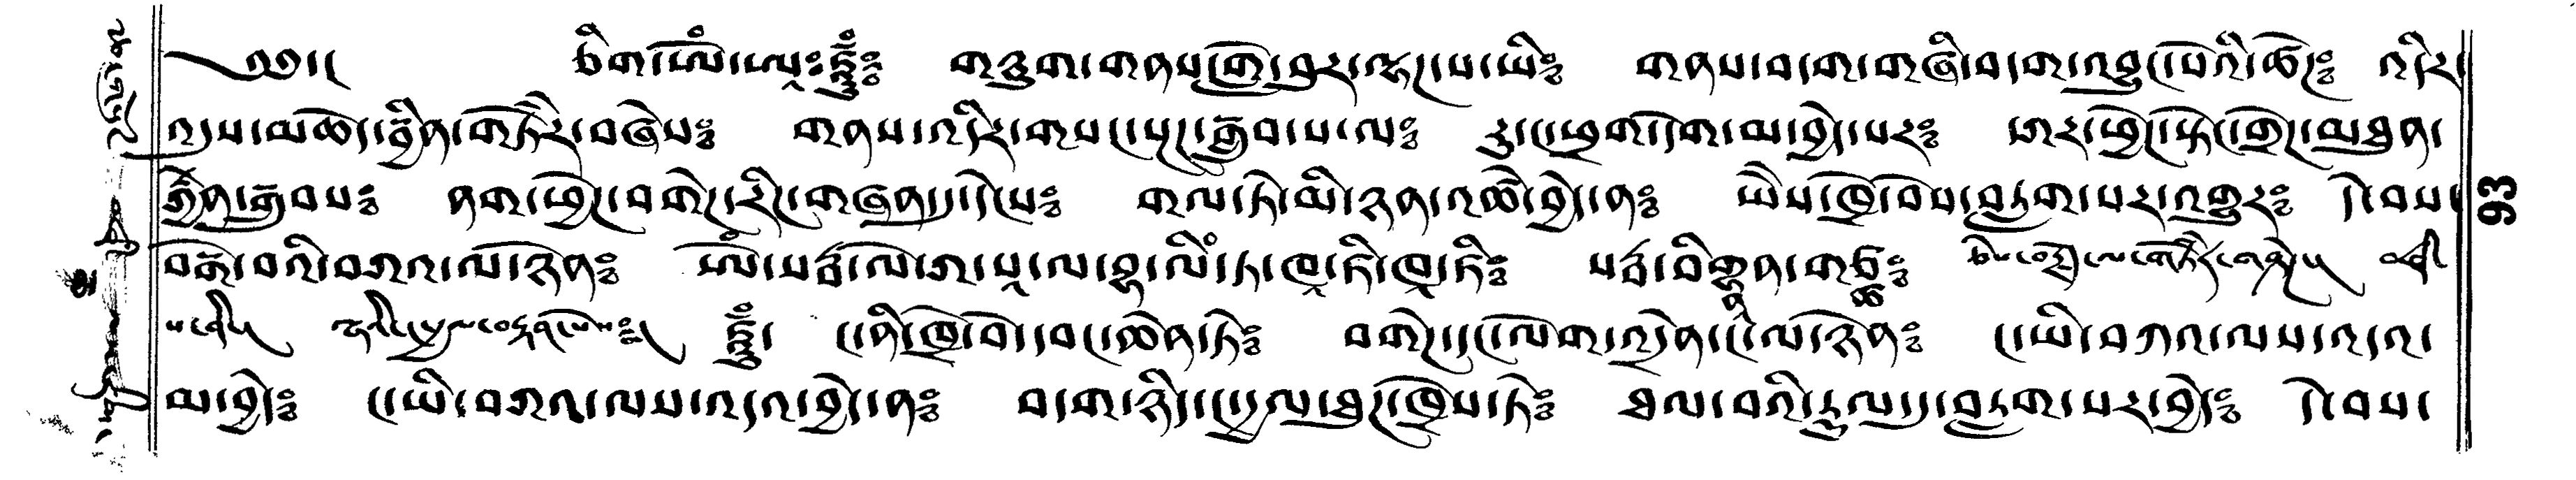ཅིག་ཨོཾ་ཨཱཿཧཱུྃ༔ གཉུག་གནས་གློ་བུར་ལྷགས་པ་ཡི༔ གནས་བདག་གཞི་བདག་འབྱུང་པོའི་ཚོགས༔འདིར་
འདུས་མཆོད་སྦྱིན་གཏོར་མ་བཞེས༔ གནས་འདིར་གསང་སྔགས་སྒྲུབ་པ་ལ༔ རུ་ང་ཕྲག་དོག་མ་བྱེད་པར༔ དཀར་ཕྱོགས་སྟོང་གྲོགས་མཐུན་
རྐྱེན་སྒྲུབས༔ ནག་ཕྱོགས་བགེགས་རིགས་གཞན་དུ་དེངས༔ གལ་ཏེ་མི་ཉན་འཚེ་བྱེད་ན༔ ཡེ་ཤེས་ཁྲོ་བོས་བརླག་པར་འགྱུར༔ དེ་བས་
བསྒོ་བའི་བཀའ་ལ་ཉོན༔ ཨོཾ་སརྦ་ལོ་ཀ་པཱ་ལ་བྷ་ལིཾ་ཏ་ཁཱ་ཧི་ཁཱ་ཧི༔ སརྦ་བིགྷྣཱན་གཙྪ༔ ཅེས་བརྗོད་ལ་གཏོར་མ་གཤེགས། བཞི་
པ་ནི། ལྷའི་ང་རྒྱལ་བསྟན་པོས། ཧཱུྃ༔ ང་ནི་ཁྲོ་བོ་དབང་ཆེན་ཏེ༔ བགེགས་དང་ལོག་འདྲེན་ང་ལ་ཉོན༔ ང་ཡི་བཀའ་ལས་འདའ་
མ་བྱེད༔ ང་ཡི་བཀའ་ལས་འདའ་བྱེད་ན༔ བདག་ཉིད་ང་རྒྱལ་ཐུགས་ཁྲོས་ཏེ༔ ཐལ་བའི་རྡུལ་དུ་བརླག་པར་བྱེད༔ དེ་བས་